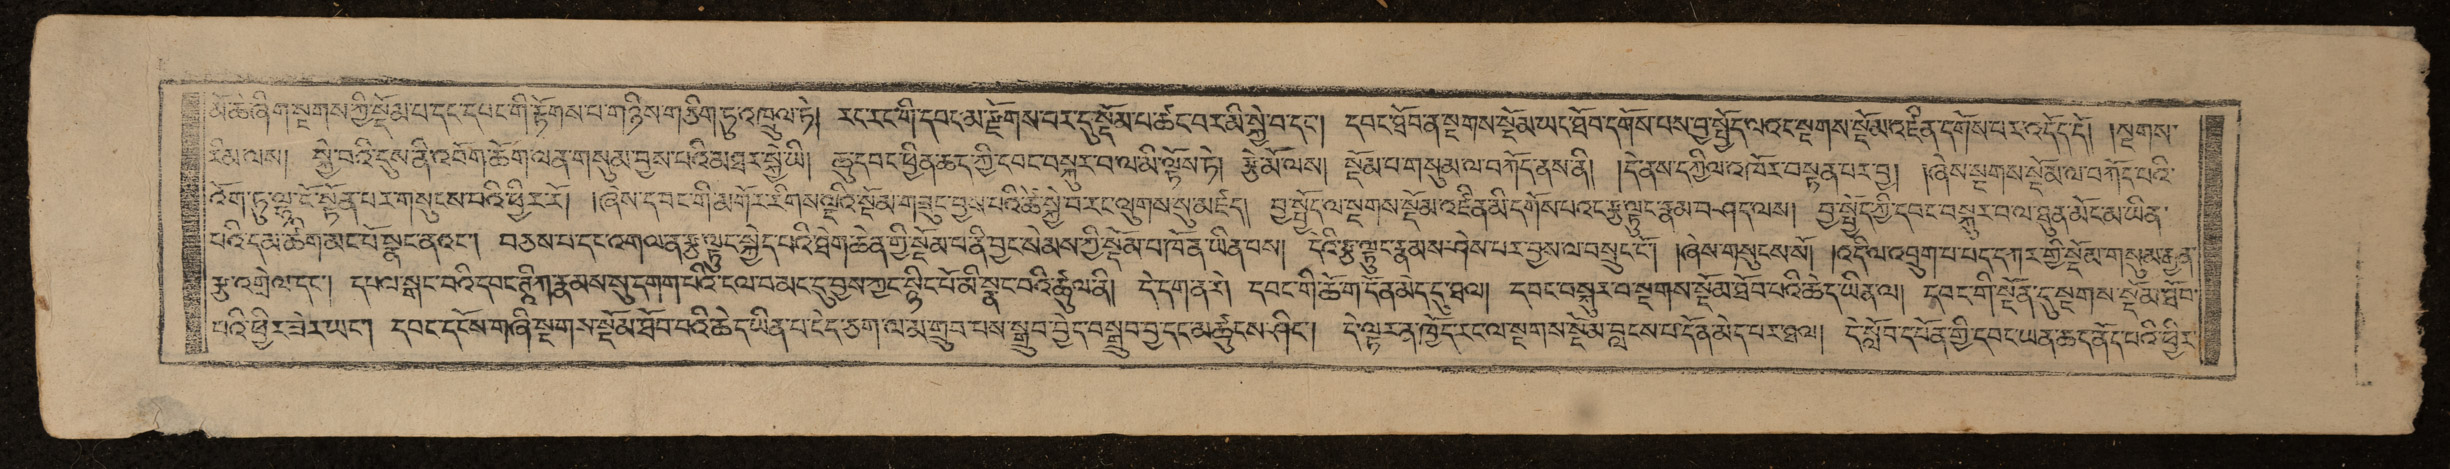མོ་ཆེ་ཞིག་སྔགས་ཀྱི་སྡོམ་པ་དང་དབང་གི་རྟོགས་པ་གཉིས་གཅིག་ཏུ་འཁྲུལ་ཏེ། རང་རང་གི་དབང་མ་རྫོགས་པར་དུ་སྡོམ་བ་ཚང་བར་མི་སྐྱེ་བ་དང་། དབང་ཐོབ་ན་སྔགས་སྡོམ་ཡང་ཐོབ་དགོས་པས་བྱ་སྤྱོད་ལའང་སྔགས་སྡོམ་འཛིན་དགོས་པར་འདོད་དོ། །སྔགས་
རིམ་ལས། སྐྱེ་བའི་དུས་ནི་འབོག་ཆོག་ལན་གསུམ་བྱས་བའི་མཐར་སྐྱེ་ཡི། ཆུ་དབང་ཕྱིན་ཆད་ཀྱི་དབང་བསྐུར་པ་ལ་མི་ལྟོས་ཏེ། རྩེ་མོ་ལས། སྡོམ་པ་གསུམ་ལ་བཀོད་ནས་ནི། །དེ་ནས་དཀྱིལ་འཁོར་བསྟན་པར་བྱ། །ཞེས་སྔགས་སྡོམ་ལ་བཀོད་པའི་
འོག་ཏུ་ལྷ་ངོ་སྟོན་པར་གསུངས་པའི་ཕྱིར་རོ། །ཞེས་དབང་གི་མགོར་རིགས་ལྔའི་སྡོམ་གཟུང་བྱས་པའི་ཚེ་སྐྱེ་པ་རང་ལུགས་སུ་མཛད། བྱ་སྤྱོད་ལ་སྔགས་སྡོམ་འཛིན་མི་དགོས་པའང་རྩ་ལྟུང་རྣམ་བཤད་ལས། བྱ་སྤྱོད་ཀྱི་དབང་བསྐུར་བ་ལ་ཐུན་མོང་མ་ཡིན་
པའི་དམ་ཚིག་མང་པོ་སྣང་ནའང་། བཅས་པ་དང་འགལ་ན་རྩ་ལྟུང་སྐྱེད་པའི་ཐེག་ཆེན་གྱི་སྡོམ་པ་ནི་བྱང་སེམས་ཀྱི་སྡོམ་པ་ཁོ་ན་ཡིན་པས། དེའི་རྩ་ལྟུང་རྣམས་ཤེས་པར་བྱས་ལ་བསྲུང་མངོ། །ཞེས་གསུངས་སོ། །དཱི་ལ་འབྲུག་པ་པད་དཀར་གྱི་སྡོམ་གསུམ་རྒྱན་
རྩ་འགྲེལ་དང་། དཔལ་སྒང་པའི་དབང་ཊཱིཀ་རྣམས་སུ་དགག་པའི་ངལ་བ་མང་དུ་བྱས་ཀྱང་སྙིང་པོ་མི་སྣང་བའི་ཚུལ་ནི། དེ་དག་ན་རེ། དབང་གི་ཆོ་ག་དོན་མེད་དུ་ཐལ། དབང་བསྐུར་བ་སྔགས་སྡོམ་ཐོབ་བའི་ཆེད་ཡིན་ལ། དབང་གི་སྔོན་དུ་སྔགས་སྡོམ་ཐོབ་
པའི་ཕྱིར་ཟེར་ཡང་། དབང་དངོས་གཞི་སྔགས་སྡོམ་ཐོབ་པའི་ཆེད་ཡིན་པ་དེད་ཅག་ལ་མ་གྲུབ་པས་སྒྲུབ་བྱེད་བ་སྒྲུབ་བྱ་དང་མཚུངས་ཤིང་། དེ་ལྟར་ན་ཁྱོད་རང་ལ་སྔགས་སྡོམ་བླངས་པ་དོན་མེད་པར་ཐལ། དེ་སློབ་དཔོན་གྱི་དབང་ཡན་ཆད་ནོད་པའི་ཕྱིར་